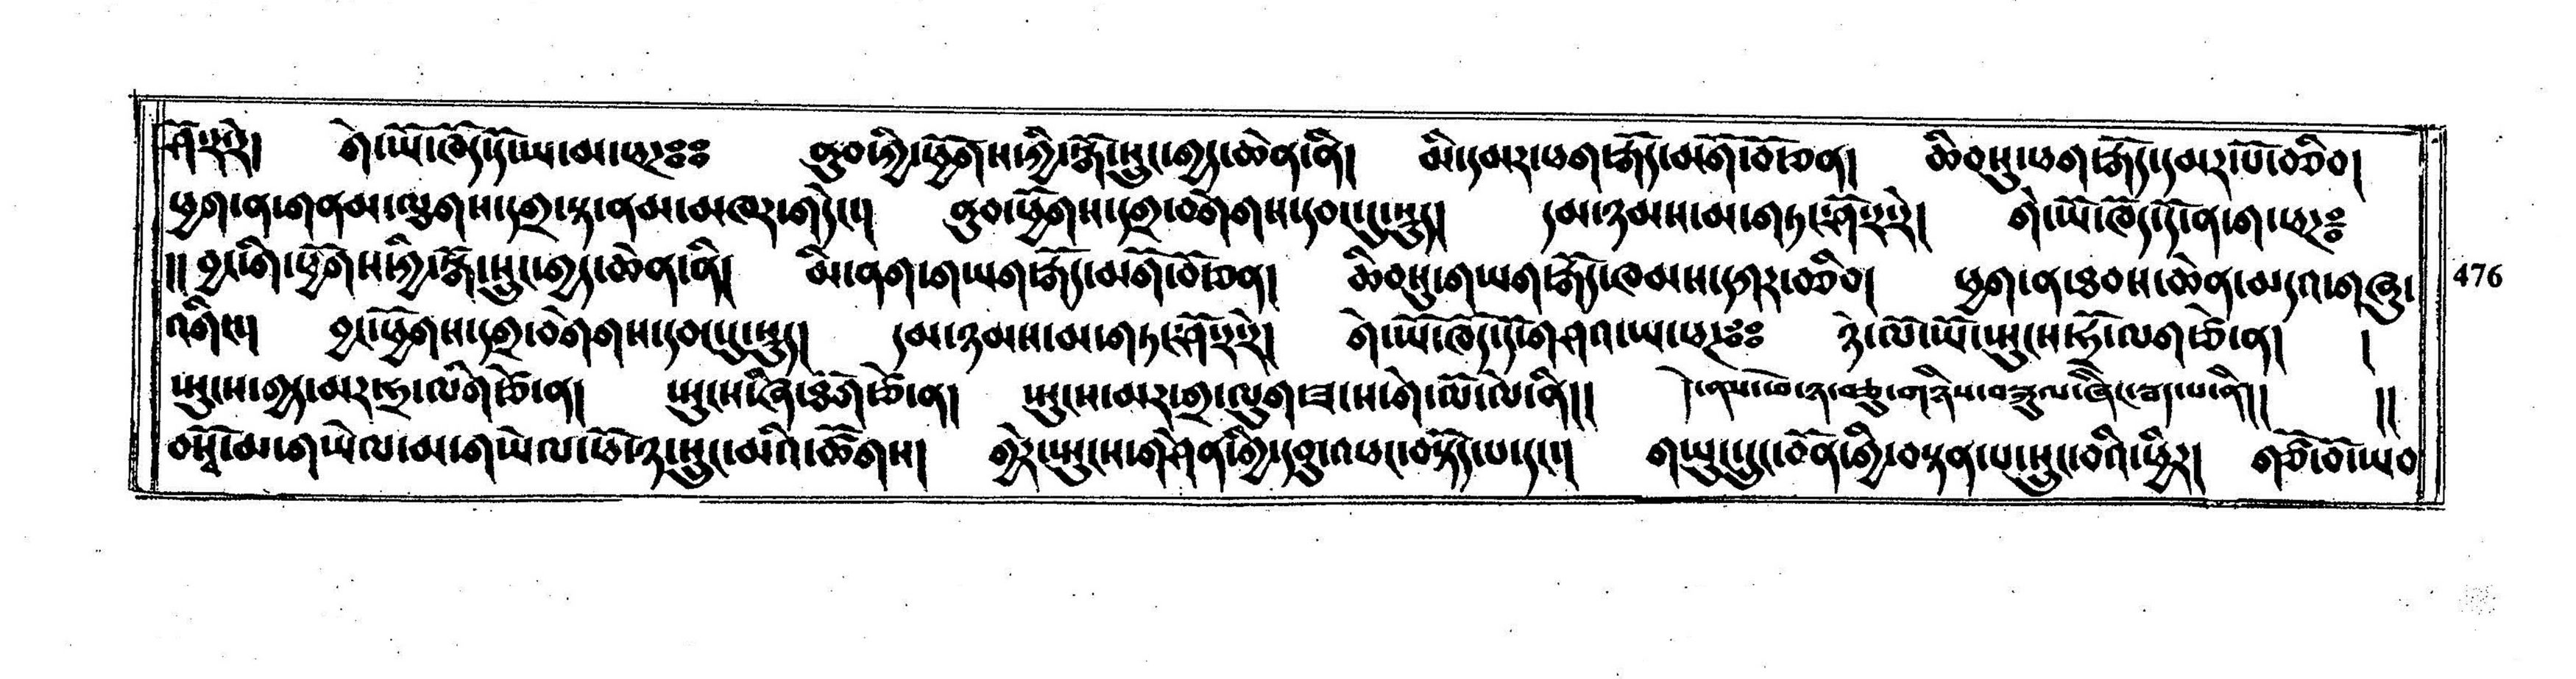ཤོ་ར་རེ། གེ་ཡོ་ཁོད་དོ་ཡ་མ་ཕཊ༔༔ ནུབ་ཀྱི་ཕྱོགས་ཀྱི་སྒོ་སྲུང་གྱད་ཆེན་ནི། མི་དམར་ཕག་རྒོད་མགོ་བོ་ཅན། ཆིབས་སུ་ཕག་རྒོད་དམར་པོ་བཅིབ། 
ཕྱག་ན་གནམ་ལྕགས་དགྲ་སྟ་ནམ་མཁར་གདེང་། ནུབ་ཕྱོགས་དགྲ་བགེགས་དབང་དུ་སྡུད། དམ་ཉམས་མ་གཏང་ཤོ་ར་རེ། གེ་ཡོ་ཁོད་དོ་ན་ག་ཕཊ༔
༔ བྱང་གི་{489}ཕྱོགས་ཀྱི་སྒོ་སྲུང་གྱད་ཆེན་ནི། མི་ནག་གཡག་རྒོད་མགོ་བོ་ཅན། ཆིབས་སུ་གཡག་རྒོད་ཁམས་དཀར་བཅིབ། ཕྱག་ན་ཐབས་ཆེན་མདའ་གཞུ་
འགིང་། བྱང་ཕྱོགས་དགྲ་བགེགས་དབང་དུ་སྡུད། དམ་ཉམས་མ་གཏང་ཤོ་ར་རེ། གེ་ཡོ་ཁོད་དོ་གཤའ་ཡ་ཕཊ༔༔ ཉེ་ལོ་ཡོ་སྤུངས་ཧྲོ་ལག་ཙེ་ན། 
སྤུངས་གྱད་མར་ཧྲ་ལིག་ཙེ་ན། སྤུངས་ཞི་ཐོག་ཙེ་ན། སྤུངས་མར་གྲ་ལུག་ཟངས་གེ་ལོ་ལེ་ནི།། དེ་ནས་ཕོ་ཉ་བཅུ་གཉིས་བསྐུལ་ཞིང་སྦད་པ་ནི།། །།
བསྭོ་མ་གཡེལ་མ་གཡེལ་ཕོ་ཉ་སྲུང་མའི་ཚོགས། གྱེར་སྤུངས་གཤེན་གྱི་དབུ་འཕང་བསྟོད་པ་དང་། གཡུང་དྲུང་བོན་གྱི་བསྟན་པ་སྲུང་བའི་ཕྱིར། གཙོ་བོ་ཡབ་